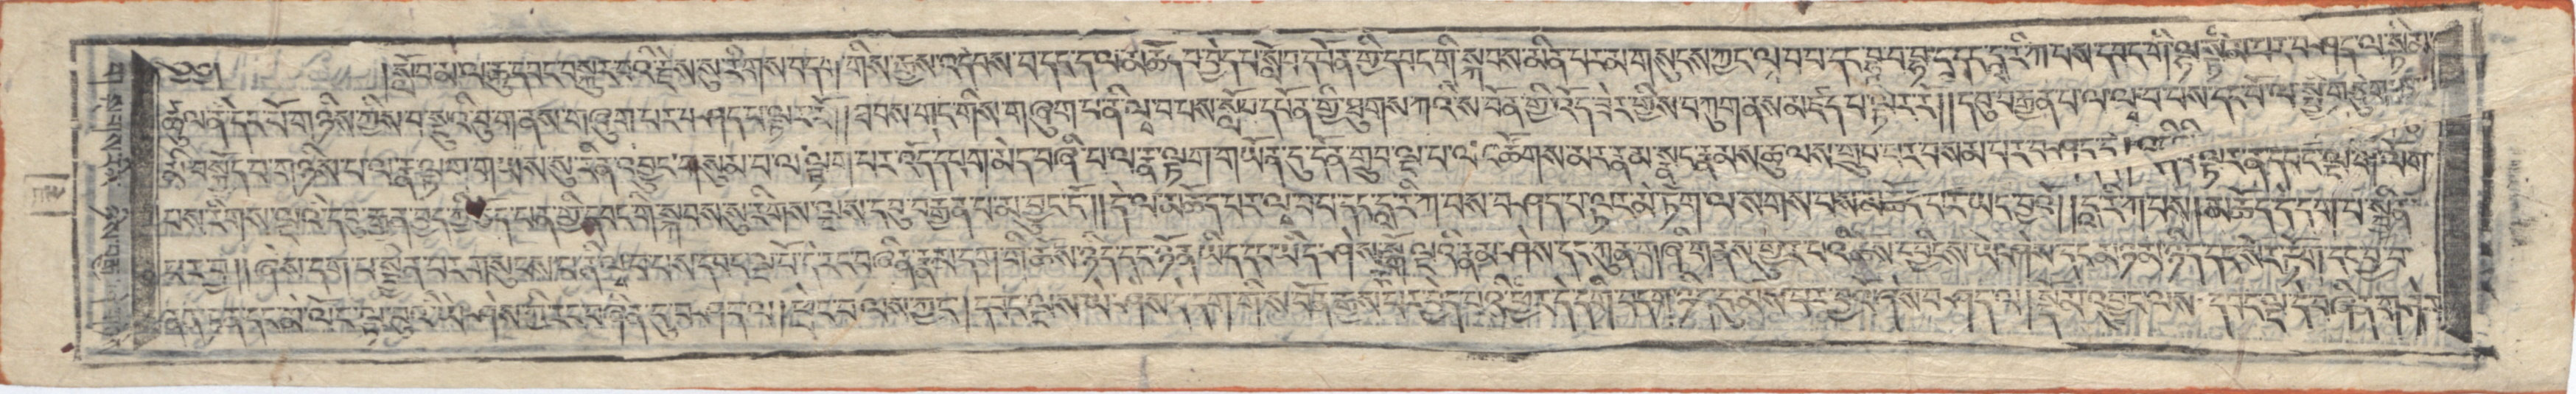༄༅། །སློབ་མ་ལ་ཆུ་དབང་བསྐུར་བའི་རྗེས་སུ་རིགས་བདག་གིས་རྒྱས་འདེབས་བ་དང་དེ་ལ་མཆོད་པ་བྱེད་པ་སློབ་དཔོན་གྱི་དབང་གི་སྐབས་མིན་པར་མ་གསུངས་ཀྱང་ལྭ་བ་པ་དང་བྷཱ་བ་བྷ་དྲ་དང་དཱ་རི་ཀ་བས་དབང་གི་ལྷ་སྟིམ་པར་བཤད་ལ་སྟིམ་
ཚུལ་ནི་དང་པོ་གཉིས་ཀྱིས་བ་སྤུའི་བུ་ག་ནས་གཞུག་པར་བཤད་པ་ལྟར་རོ། །ཐབས་གང་གིས་གཞུག་པ་ནི་ལྭ་བ་པས་སློབ་དཔོན་གྱི་ཐུགས་ཀའི་ས་བོན་གྱི་འོད་ཟེར་གྱིས་བཀུག་ནས་མཛད་པ་ལྟར་རོ། །དབུ་བརྒྱན་པ་ལ་ལྭ་བ་པས་དང་པོ་ལ་སྤྱི་གཙུག་ཏུ་
མི་བསྐྱོད་པ་གཉིས་པ་ལ་རྣ་ལྟག་གཡས་སུ་རིན་འབྱུང་གསུམ་པ་ལ་ལྟག་པར་འོད་དཔག་མེད་བཞི་པ་ལ་རྣ་ལྟག་གཡོན་དུ་དོན་གྲུབ་ལྔ་པ་ལ་འཚོགས་མར་རྣམ་སྣང་ཆུ་ལས་གྲུབ་པར་བསམ་པར་བཤད་དེ། འདིའི་ལྟར་ན་དབང་ལྔ་ག་ལོག་
པས་རིགས་ལྔའི་དབུ་རྒྱན་བྱེད་ཀྱི་ཅོད་པན་གྱི་དབང་གི་སྐབས་སུ་རིགས་ལྔས་དབུ་བརྒྱན་པ་མ་བྱུང་ངོ། །དེ་ལ་མཆོད་པར་ལྭ་བ་པ་དང་དཱ་རི་ཀ་པས་བཤད་པ་ལྟར་མེ་ཏོག་ལ་སོགས་པས་མཆོད་པར་ཡང་བྱའོ། །དཱ་རི་ཀ་པས། མཆོད་དེ་དག་པ་སྦྱིན་
པར་བྱ། །ཞེས་དག་པ་སྦྱིན་པར་གསུངས་པ་ནི་ལྭ་བ་པས་དབང་ལྔ་པོ་དེ་རང་བཞིན་རྣམ་དག་གི་ཆོས་ཉིད་དང་ཉོན་ཡིད་དང་ཡིད་ཤེས་དང་སྒོ་ལྔའི་རྣམ་ཤེས་དང་ཀུན་གཞི་གནས་གྱུར་པའི་ཆོས་དབྱིངས་ཡེ་ཤེས་དང་མཉམ་ཉིད་དང་སོར་རྟོག་དང་བྱ་བ་
ནན་ཏན་དང་མེ་ལོང་ལྟ་བུའི་ཡེ་ཤེས་ཀྱི་རང་བཞིན་དུ་བཤད་ལ། ཕྲེང་བ་ལས་ཀྱང་། དབང་ལྔས་ཡེ་ཤེས་དེ་དག་གི་ས་བོན་རྒྱས་པར་བྱེད་པའི་ཕྱིར་དེ་དག་གི་བདག་ཉིད་དུ་མོས་པར་བྱའོ་ཞེས་བཤད་ལ། སྡོམ་འབྱུང་ལས་དབང་ལྔ་དེ་བཞིན་གཤེགས་